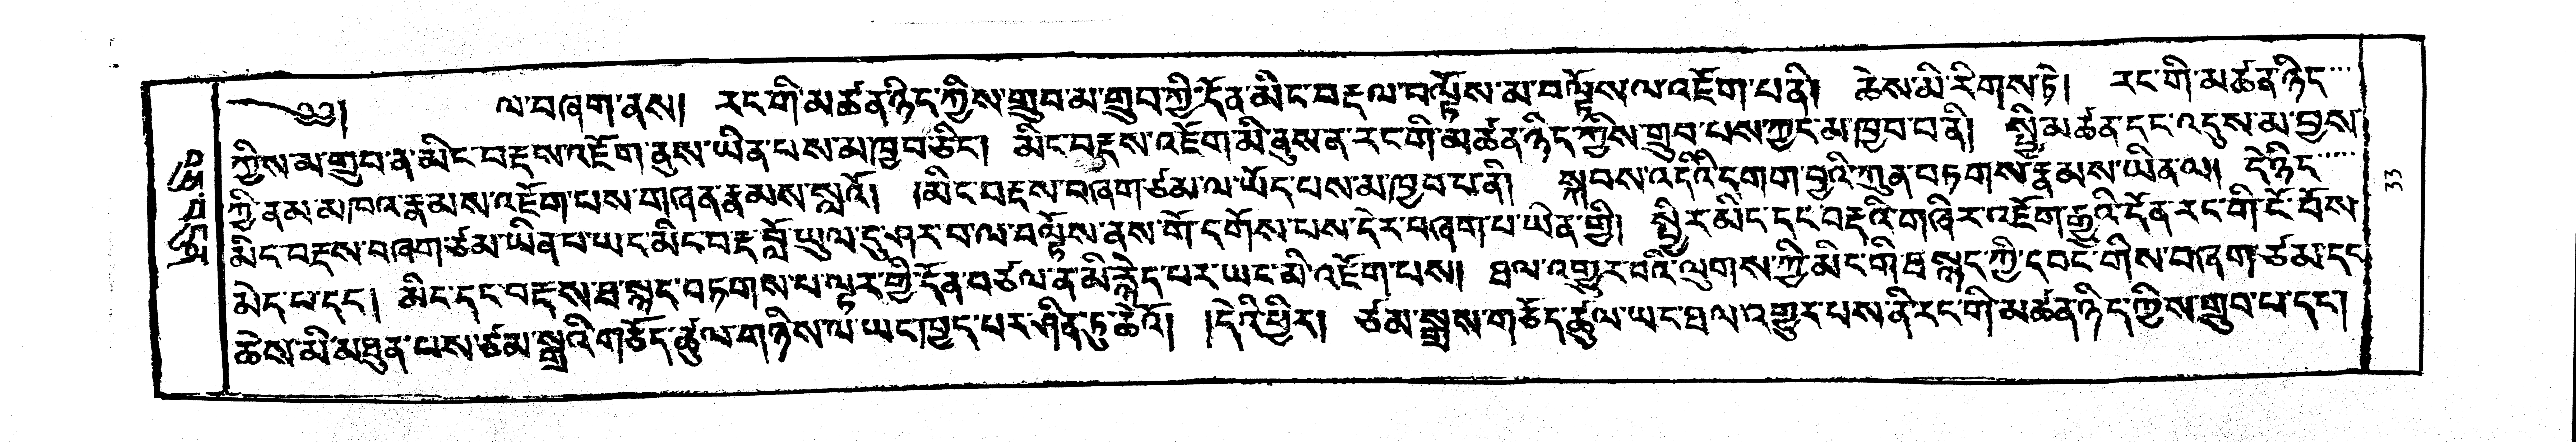༄༅། །ལ་བཞག་ནས། རང་གི་མཚན་ཉིད་ཀྱིས་གྲུབ་མ་གྲུབ་ཀྱི་དོན་མིང་བརྡལ་བལྟོས་མ་བལྟོས་ལ་འཇོག་པ་ནི། ཆེས་མི་རིགས་ཏེ། རང་གི་མཚན་ཉིད་
ཀྱིས་མ་གྲུབ་ན་མིང་བརྡས་འཇོག་ནུས་ཡིན་པས་མ་ཁྱབ་ཅིང་། མིང་བརྡས་འཇོག་མི་ནུས་ན་རང་གི་མཚན་ཉིད་ཀྱིས་གྲུབ་པས་ཀྱང་མ་ཁྱབ་པ་ནི། སྤྱི་མཚན་དང་འདུས་མ་བྱས་
ཀྱི་ནམ་མཁའ་རྣམས་འཇོག་པས་གཞན་རྣམས་སླའོ། །མིང་བརྡས་བཞག་ཙམ་ལ་ཡོད་པས་མ་ཁྱབ་པ་ནི། སྐབས་འདིའི་དགག་བྱའི་ཀུན་བཏགས་རྣམས་ཡིན་ལ། དེ་ཉིད་
མིང་བརྡས་བཞག་ཙམ་ཡིན་པ་ཡང་མིང་བརྡ་བློ་ཡུལ་དུ་ཤར་བ་ལ་བལྟོས་ནས་གོ་དགོས་པས་དེར་བཞག་པ་ཡིན་གྱི། སྤྱིར་མིང་དང་བརྡའི་གཞིར་འཇོག་རྒྱུའི་དོན་རང་གི་ངོ་བོས་
མེད་པ་དང་། མིང་དང་བརྡས་ཐ་སྙད་བཏགས་པ་ལྟར་གྱི་དོན་བཙལ་ན་མི་རྙེད་པར་ཡང་མི་འཇོག་པས། ཐལ་འགྱུར་བའི་ལུགས་ཀྱི་མིང་གི་ཐ་སྙད་ཀྱི་དབང་གིས་བཞག་ཙམ་དང་
ཆེས་མི་མཐུན་པས་ཙམ་སྒྲའི་གཅོད་ཚུལ་གཉིས་ལ་ཡང་ཁྱད་པར་ཤིན་ཏུ་ཆེའོ། །དེའི་ཕྱིར། ཙམ་སྒྲས་གཅོད་ཚུལ་ཡང་ཐལ་འགྱུར་པས་ནི་རང་གི་མཚན་ཉིད་ཀྱིས་གྲུབ་པ་དང་།